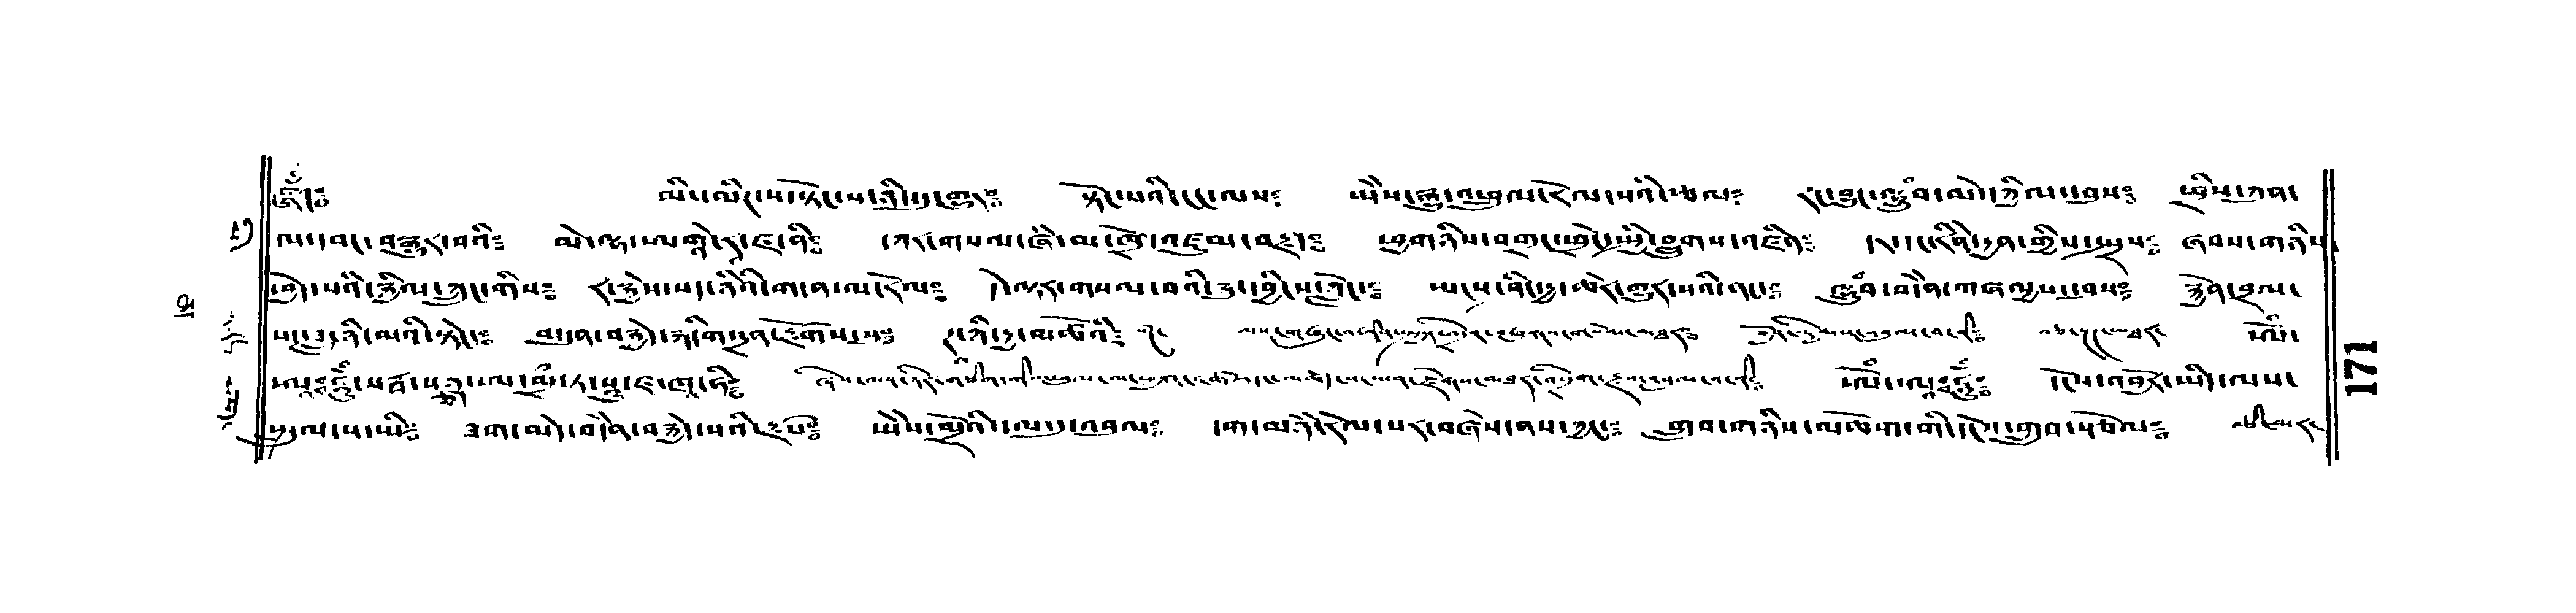མི་དམིགས་པ་སྟོང་པ་ཉིད་དུ་གྱུར༔ སྟོང་པའི་ངང་ལས༔ ཡེ་ཤེས་སྒྱུ་འཕྲུལ་རོལ་པའི་རྩལ༔ རང་བྱུང་ལྷུན་གྲུབ་མེ་དཀྱིལ་དབུས༔ ཕྲིན་ལས་ཀུན་
ལ་དབང་བསྒྱུར་བའི༔ མེ་ལྷ་ཨགྣེ་རཱ་ཛ་ནི༔ དཀར་གསལ་ཞི་མ་ཁྲོ་འཛུམ་བརྗིད༔ ཕྱག་གཉིས་བགྲང་ཕྲེང་སྤྱི་བླུགས་འཛིན༔ དར་དང་རིན་ཆེན་རྒྱན་གྱིས་སྤྲས༔ ཞབས་གཉིས་
ཕྱེད་པའི་སྐྱིལ་ཀྲུང་གིས༔ ར་སྐྱེས་པད་ཉིའི་གདན་ལ་རོལ༔ དེ་ལྟར་གསལ་བའི་སྐུ་དབྱིངས་ཀློང༔ ཡངས་ཤིང་རྒྱ་ཆེར་གྱུར་པའི་ནང༔ ལྷུན་གྲུབ་བདེ་ཆེན་གཞལ་ཡས་དབུས༔ སྐྱོན་བྲལ་
པད་ཟླ་ཉི་མའི་སྟེང༔ མདུན་བསྐྱེད་སྐད་ཅིག་དྲན་རྫོགས་སུ༔ ཌཱ་ཀི་རྒྱ་མཚོའི་སོགས༔ ལས་གཞུང་བཞིན་སྤྱན་འདྲེན་བཞུགས་གསོལ་མཐར༔ བྱོན་སྐྱེམས་འབུལ་བ་ནི༔ རྩ་སྔགས་མཐར༔ ཨོཾ་
ཨཱཿཧཱུྃ་སརྦ་པཉྩ་ཨ་མྲྀ་ཏ་པཱུ་ཛ་ཁཱ་ཧིཿ ཞེས་ལན་ཉེར་གཅིག་གིས་ཕུལ་ལ་ཕྱག་འཚལ་དང་མཆོད་པ་ཡན་རྫོགས་མཐར་བསྲེག་རྫས་འབུལ་བ་ནི༔ ཨོཾ་ཨཱཿཧཱུྃ༔ དངོས་འབྱོར་ཡིད་ལས་
སྤྲུལ་པ་ཡི༔ ཟག་མེད་བདེ་ཆེན་བསྐྱེད་པའི་རྫས༔ ཡེ་ཤེས་མཁའ་འགྲོའི་དལ་དུ་འབུལ༔ དག་མཉམ་རོལ་པར་བཞེས་ནས་ཀྱང༔ གྲུབ་གཉིས་མཆོག་གི་དངོས་གྲུབ་སྩོལ༔ རྩི་མར་